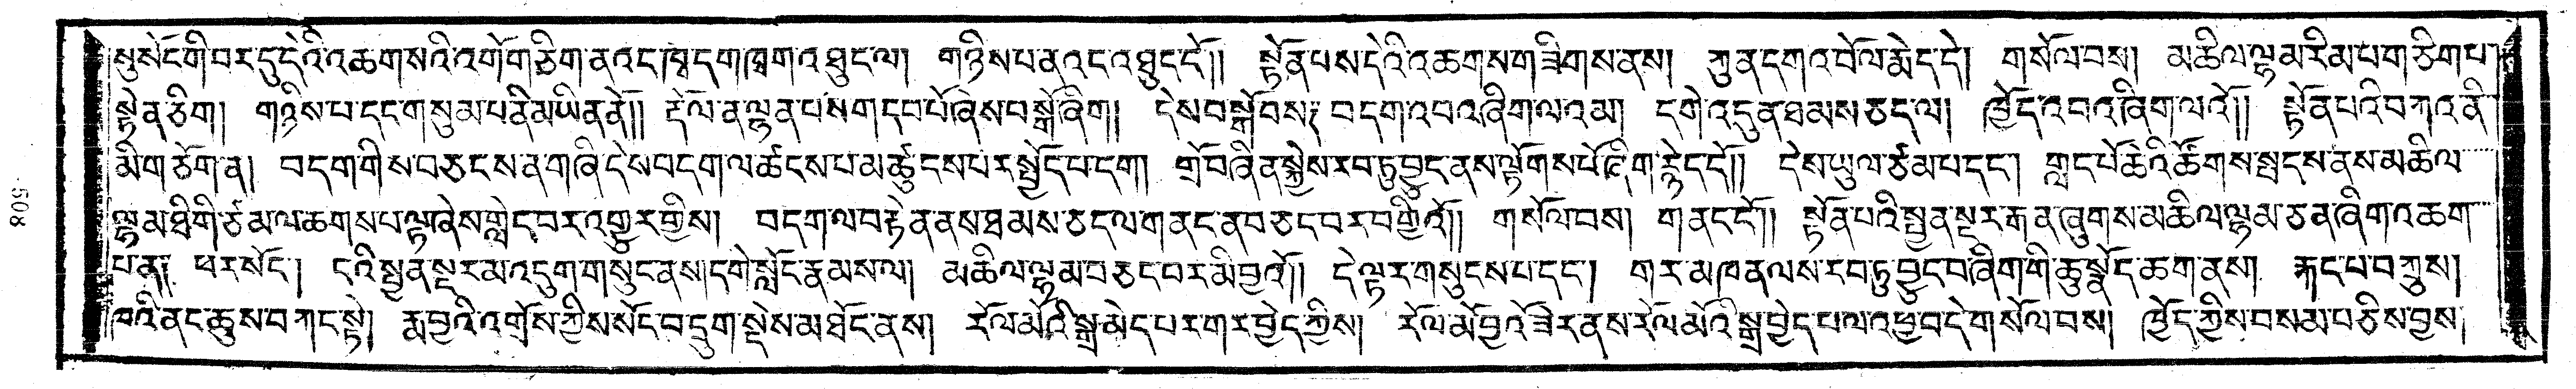སུ་སོང་གི་བར་དུ་དེའི་འཆག་སའི་འགོ་གཅིག་ནའང་ཁྭ་དག་ཁྭག་འཐུང་ལ། གཉིས་པ་ནའང་འཐུང་ངོ།། སྟོན་པས་དེའི་འཆགས་གཟིགས་ནས། ཀུན་དགའ་བོ་ལ་རྨེད་དེ། གསོལ་བས། མཆིལ་ལྷམ་རིམ་པ་གཅིག་པ་
སྟེན་ཅིག། གཉིས་པ་དང་གསུམ་པ་ནི་མ་ཡིན་ནོ།། རྡོལ་ན་ལྷན་པས་གདབ་པོ་ཞེས་བསྒོ་ཞིག། དེས་བསྒོ་བས༑ བདག་འབའ་ཞིག་ལའམ། དགེ་འདུན་ཐམས་ཅད་ལ། ཁྱོད་འབའ་ཞིག་ལའོ།། སྟོན་པའི་བཀའ་ནི་
མི་གཅོག་ན། བདག་གིས་བཅངས་ན་གཞི་དེས་བདག་ལ་ཚངས་པ་མཚུངས་པར་སྤྱོད་པ་དག། གྲོ་བཞིན་སྐྱེས་རབ་ཏུ་བྱུང་ནས་ལྟོགས་པོ་ཞིག་རྙེད་དོ།། དེས་ཡུལ་ཙམ་པ་དང་། གླང་པོ་ཆེའི་ཚོགས་སྤངས་ནས་མཆིལ་
ལྷམ་ཐི་གི་ཙམ་ལ་ཆགས་པ་ལྟ་ཞེས་གླེང་བར་འགྱུར་གྱིས། བདག་ལ་བརྟེན་ནས་ཐམས་ཅད་ལ་གནང་ན་བཅང་བར་བགྱིའོ།། གསོལ་བས། གནང་ངོ།། སྟོན་པའི་སྤྱན་སྔར་རྒན་ཞུགས་མཆིལ་ལྷམ་ཅན་ཞིག་འཆག་
པ་ན༑ ཕར་སོང་། ངའི་སྤྱན་སྔར་མ་འདུག་གསུང་ནས། དགེ་སློང་རྣམས་ལ། མཆིལ་ལྷམ་བཅང་བར་མི་བྱའོ།། དེ་ལྟར་གསུངས་པ་དང་། གར་མཁན་ལས་རབ་ཏུ་བྱུང་བ་ཞིག་གི་ཆུ་སྣོད་ཆག་ནས། རྐང་པ་བཀྲུས།
ཁའི་ནང་ཆུས་བཀང་སྟེ། རྨ་བྱའི་འགྲོས་ཀྱིས་སོང་བ་དྲུག་སྡེས་མཐོང་ནས། རོལ་མོའི་སྒྲ་མེད་པར་གར་བྱེད་ཀྱིས། རོལ་མོ་བྱའོ་ཟེར་ནས་རོལ་མོའི་སྒྲ་བྱེད་པ་ལ་འཕྱ་བ་དེ་གསོལ་བས། ཁྱོད་ཀྱིས་བསམ་བཅིས་བྱས།